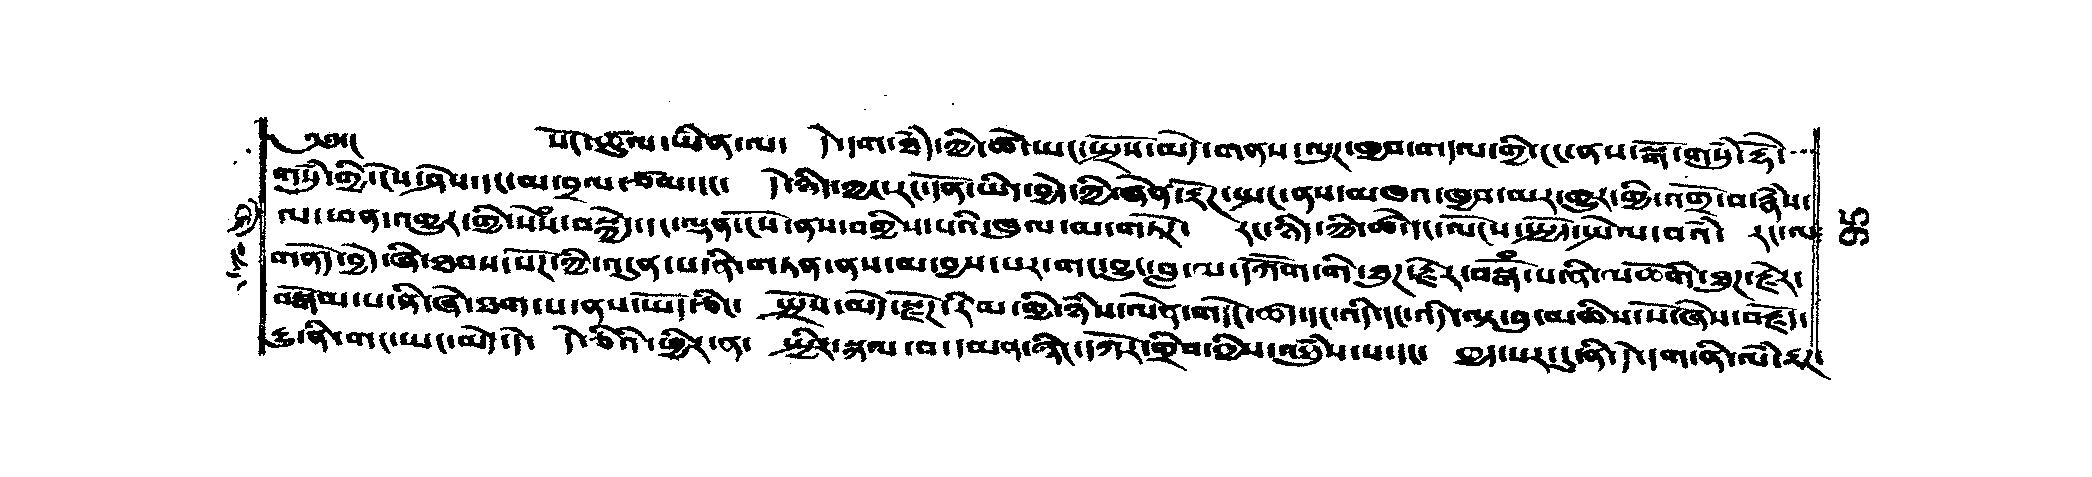སོང་ཚུལ་ཡིན་ལ། དེ་དག་ཐམས་ཅད་ཀྱི་ཚེ་ཡང་སྤྲོས་མེད་གནས་ལུགས་ཁྱབ་གདལ་གྱི་ངང་ནས་སྒོ་གསུམ་རྡོ་རྗེ་
གསུམ་གྱི་ངེས་ཤེས་དང་མ་བྲལ་ཙམ་དང་། དེ་ཉིད་ཀྱང་རང་དོན་ཡིད་བྱེད་ཀྱི་ཞོན་རྟོག་སྤང་ནས་མཁའ་ཁྱབ་མར་གྱུར་གྱི་འགྲོ་བ་རྣམས་
ལ་ཕན་འགྱུར་གྱི་སེམས་བསྐྱེད་དང་ལྡན་ངོས་ནས་བགྱིས་པའི་ཁུལ་མ་གཏོགས།རང་ཉིད་ཀྱི་ཚེ་དང་ལོངས་སྤྱོད་སྤེལ་བའམ། རང་ལ་
གནོད་བྱེད་ཞི་ཐབས་སོགས་ཀྱི་འདུན་པ་ནི་གཏན་ནས་མ་བྱས་པར་གང་བྱུང་བླ་མ་དཀོན་མཆོག་གི་ཐུགས་རྗེར་
བསྒོམ་པ་ནི་ཞེ་ཐག་པ་ནས་ཡོད་ཅིང་། སྤྲོས་མེད་རྫོགས་རིམ་གྱི་ཉམས་ལེན་གདེང་ཚད་འདི་དང་འདི་ལྟ་བུ་མཆིས་སོ་ཞེས་བརྗོད་
རྒྱུ་ནི་གང་ཡང་མེད་དེ། དེ་ཅིའི་ཕྱིར་ན། སྤྱིར་སྐལ་བ་དམན་ཞིང་དཀོར་གྲིབ་ཀྱིས་འཐུམས་པ་དང་། ཁྱད་པར་དུ་དེ་དག་ནི་ལམ་རྟགས་ཀྱི་